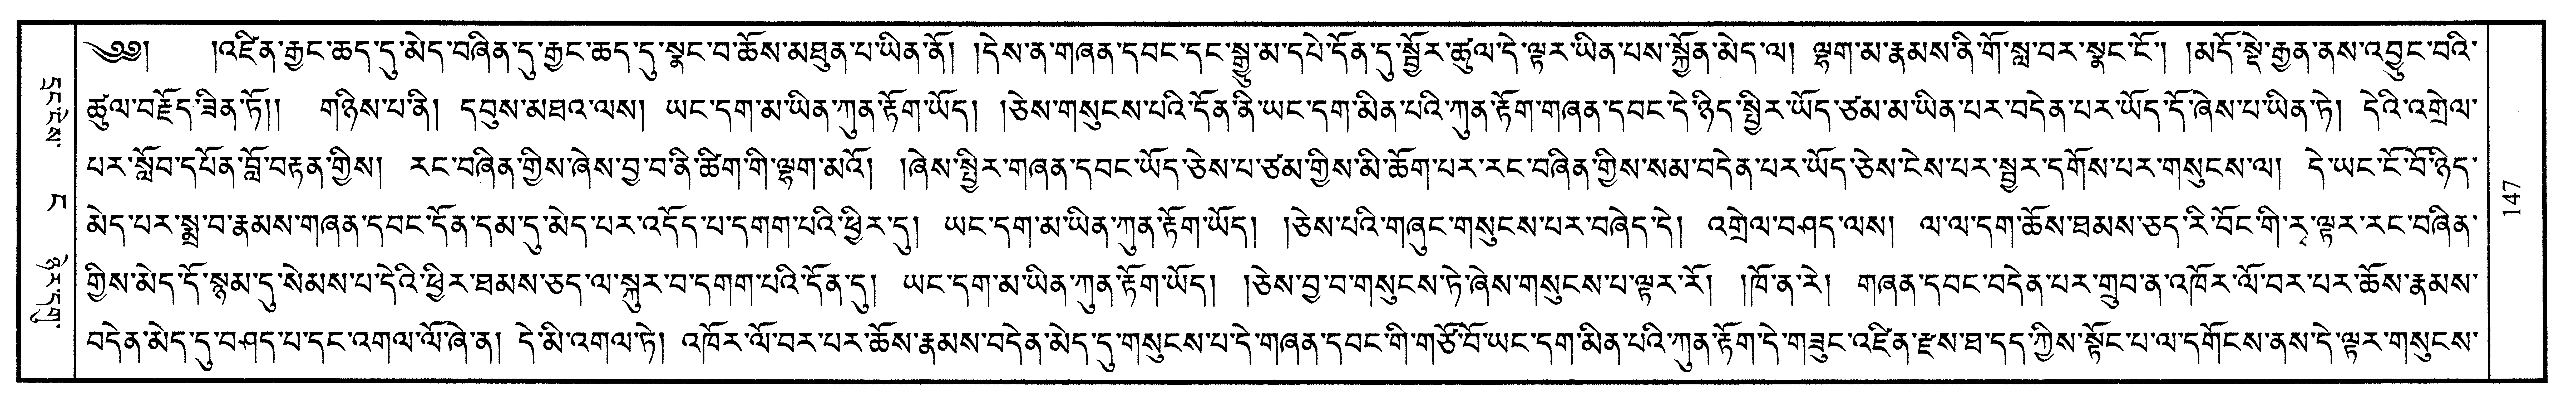༄༅། །འཛིན་རྒྱང་ཆད་དུ་མེད་བཞིན་དུ་རྒྱང་ཆད་དུ་སྣང་བ་ཆོས་མཐུན་པ་ཡིན་ནོ། །དེས་ན་གཞན་དབང་དང་སྒྱུ་མ་དཔེ་དོན་དུ་སྦྱོར་ཚུལ་དེ་ལྟར་ཡིན་པས་སྐྱོན་མེད་ལ། ལྷག་མ་རྣམས་ནི་གོ་སླ་བར་སྣང་ངོ། །མདོ་སྡེ་རྒྱན་ནས་འབྱུང་བའི་
ཚུལ་བརྗོད་ཟིན་ཏོ།། གཉིས་པ་ནི། དབུས་མཐའ་ལས། ཡང་དག་མ་ཡིན་ཀུན་རྟོག་ཡོད། །ཅེས་གསུངས་པའི་དོན་ནི་ཡང་དག་མིན་པའི་ཀུན་རྟོག་གཞན་དབང་དེ་ཉིད་སྤྱིར་ཡོད་ཙམ་མ་ཡིན་པར་བདེན་པར་ཡོད་དོ་ཞེས་པ་ཡིན་ཏེ། དེའི་འགྲེལ་
པར་སློབ་དཔོན་བློ་བརྟན་གྱིས། རང་བཞིན་གྱིས་ཞེས་བྱ་བ་ནི་ཚིག་གི་ལྷག་མའོ། །ཞེས་སྤྱིར་གཞན་དབང་ཡོད་ཅེས་པ་ཙམ་གྱིས་མི་ཆོག་པར་རང་བཞིན་གྱིས་སམ་བདེན་པར་ཡོད་ཅེས་ངེས་པར་སྦྱར་དགོས་པར་གསུངས་ལ། དེ་ཡང་ངོ་བོ་ཉིད་
མེད་པར་སྨྲ་བ་རྣམས་གཞན་དབང་དོན་དམ་དུ་མེད་པར་འདོད་པ་དགག་པའི་ཕྱིར་དུ། ཡང་དག་མ་ཡིན་ཀུན་རྟོག་ཡོད། །ཅེས་པའི་གཞུང་གསུངས་པར་བཞེད་དེ། འགྲེལ་བཤད་ལས། ལ་ལ་དག་ཆོས་ཐམས་ཅད་རི་བོང་གི་རྭ་ལྟར་རང་བཞིན་
གྱིས་མེད་དོ་སྙམ་དུ་སེམས་པ་དེའི་ཕྱིར་ཐམས་ཅད་ལ་སྐུར་བ་དགག་པའི་དོན་དུ། ཡང་དག་མ་ཡིན་ཀུན་རྟོག་ཡོད། །ཅེས་བྱ་བ་གསུངས་ཏེ་ཞེས་གསུངས་པ་ལྟར་རོ། །ཁོ་ན་རེ། གཞན་དབང་བདེན་པར་གྲུབ་ན་འཁོར་ལོ་བར་པར་ཆོས་རྣམས་
བདེན་མེད་དུ་བཤད་པ་དང་འགལ་ལོ་ཞེ་ན། དེ་མི་འགལ་ཏེ། འཁོར་ལོ་བར་པར་ཆོས་རྣམས་བདེན་མེད་དུ་གསུངས་པ་དེ་གཞན་དབང་གི་གཙོ་བོ་ཡང་དག་མིན་པའི་ཀུན་རྟོག་དེ་གཟུང་འཛིན་རྫས་ཐ་དད་ཀྱིས་སྟོང་པ་ལ་དགོངས་ནས་དེ་ལྟར་གསུངས་